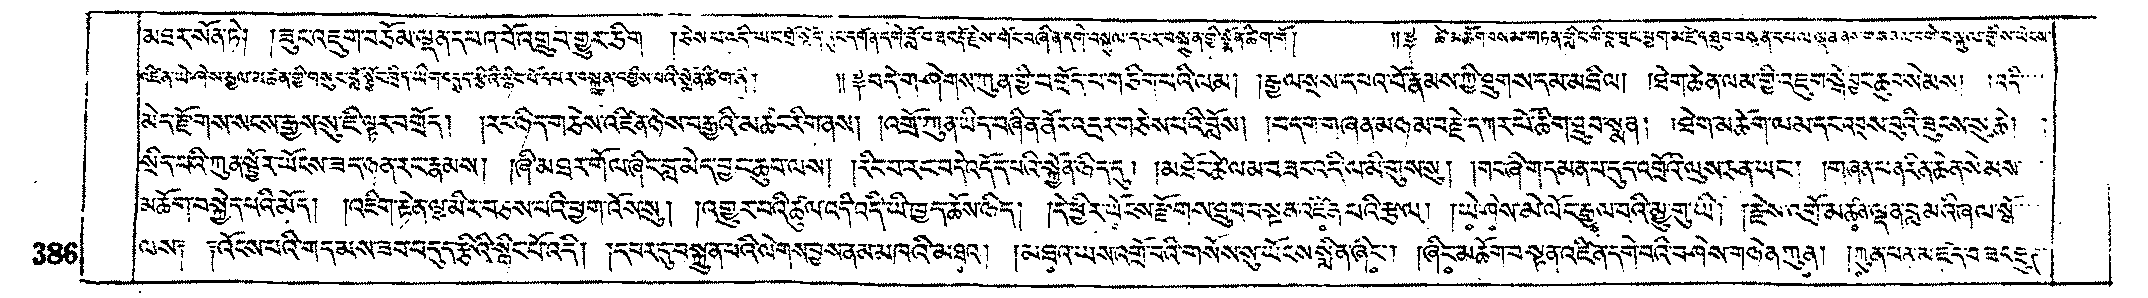མཐར་སོན་ཏེ། །ཟུང་འཇུག་བཅོམ་ལྡན་དཔའ་བོ་འགྲུབ་གྱུར་ཅིག །ཅེས་པ་འདི་ཡང་གྲོ་སྟོད་དུང་དགོན་དགེ་བློ་བཟང་རྡོ་རྗེས་གོང་བཞིན་དགེ་བསྐུལ་དཔར་བསྐྲུན་གྱི་སྨོན་ཚིག་གོ། །།འ་ཚེ་མཆོག་བསམ་གཏན་གླིང་གི་བླ་བྲང་ཕྱག་མཛོད་ཐུབ་བསྟན་དཔལ་ལྡན་ནས་གཞན་ལ་དགེ་བསྐུལ་གྱིས་ཡོངས་
འཛིན་ཡེ་ཤེས་རྒྱལ་མཚན་གྱི་གསུང་བློ་སྦྱོང་ཁྲིད་ཡིག་བདུད་རྩིའི་སྙིང་པོ་དཔར་བསྐྲུན་བགྱིས་པའི་སྨོན་ཚིག་ནི། །།འབྡེ་གཤེགས་ཀུན་གྱི་བགྲོད་པ་གཅིག་པའི་ལམ། །རྒྱལ་སྲས་དཔའ་བོ་རྣམས་ཀྱི་ཐུགས་དམ་མཐིལ། །ཐེག་ཆེན་ལམ་གྱི་འཇུག་སྒོ་བྱང་ཆུབ་སེམས། །འདི་་་
མེད་རྫོགས་སངས་རྒྱས་སུ་ཇི་ལྟར་བགྲོད། །རང་ཉིད་གཅེས་འཛིན་ཉེས་བརྒྱའི་མཚང་རིག་ནས། །འགྲོ་ཀུན་ཡིད་བཞིན་ནོར་འདྲར་གཅེས་པའི་བློས། །བདག་གཞན་མཉམ་བརྗེ་དཀར་པོ་ཆིག་ཐུབ་སྨན། །ཐེག་མཆོག་ལམ་དང་འབྲས་བུའི་ཟུངས་སུ་ཆེ། །
སྲིད་པའི་ཀུན་སྦྱོར་ཡོངས་ཟད་ཉན་རང་རྣམས། །ཞི་མཐར་གོལ་ཞིང་བླ་མེད་བྱང་ཆུབ་ལས། །རིང་བ་རང་བདེ་འདོད་པའི་སྐྱོན་ཉིད་དུ། །མཐོང་ཚེ་ལམ་བཟང་འདི་ལ་མི་གུས་སུ། །གང་ཞིག་དམན་པ་དུད་འགྲོའི་ལུས་ཅན་ཡང་། །གཞན་ཕན་རིན་ཆེན་སེམྶ་་་
མཆོག་བསྐྱེད་པའི་མོད། །འཇིག་རྟེན་ལྷ་མིར་བཅས་པའི་ཕྱག་འོས་སུ། །འགྱུར་བའི་ཚུལ་འདི་འདི་ཡི་ཁྱད་ཆོས་ཉིད། །དེ་ཕྱིར་ཡོངས྾་རྫོགས་ཐུབ་བསྟན་འཛིན྾་པའི་རྩལ། །ཡེ྾་ཤེས྾་མེ་ལོང་རྒྱལ྾་བའི་མྱུ་གུ་ཡི། །རྗེས་འགྲོ་མཚན྾་ལྡན་བླ་མའི་ཞལ་སྒོ་་་
ལས༑ ༑འོངས་པའི་གདམས་ཟབ་བདུད་རྩིའི་སྙིང་པོ་འདི། །དཔར་དུ་བསྐྲུན་པའི་ལེགས་བྱས་ནམ་མཁའི་མཐའ྾། །མཐའ྾་ཡས་འགྲོ་བའི་གསོས་སུ་ཡོངས་སྨིན་ཞིང྾། །ཞིང྾་མཆོག་བསྟན་འཛིན་དགེ་བའི་བཤེས་གཉེན་ཀུན྾། །ཀུན྾་ཕན་མཛད་བཟང་ཐུཌ་